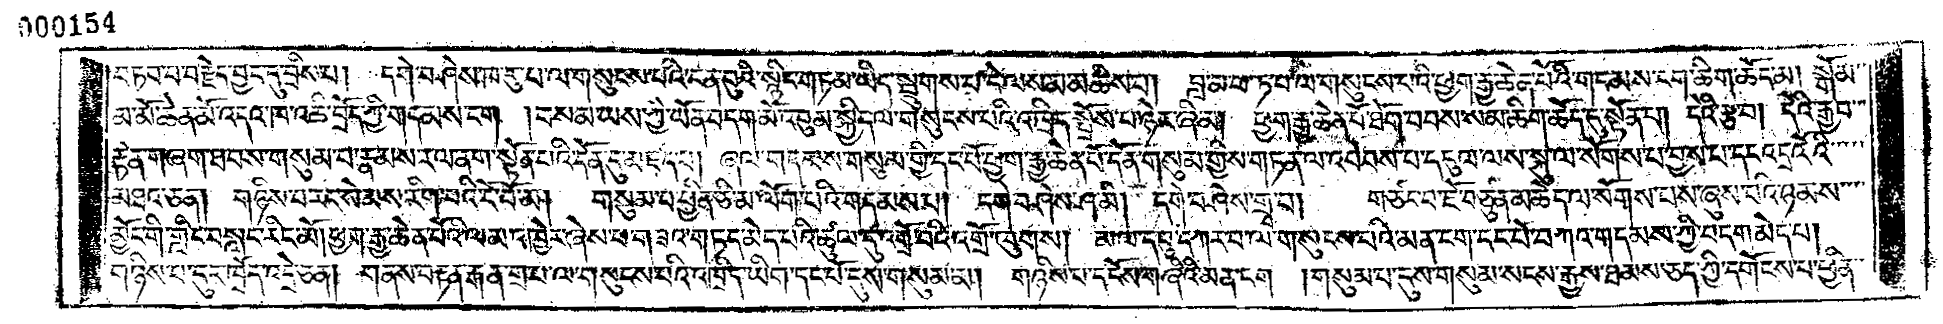བཏབ་པ་བརྗེད་བྱང་དུ་བྲིས་པ། དགེ་བཤེས་ཁ་རུ་པ་ལ་གསུངས་པའི་ངན་བུའི་སྙིང་གཏམ་ཡིད་སྦྲུགས་པ་དེ་ལས་མ་མཆིས་པ། བླ་མ་ཕ་ཏ་པ་ལ་གསུངས་པའི་ཕྱག་རྒྱ་ཆེན་པོའི་གདམས་ངག་ཆིག་ཆོད་མ། སྒོམ་
མ་མོ་ཆེན་མོ་འདའ་ཁ་འཆི་བྲོད་ཀྱི་གདམས་ངག །བསམ་ཡས་ཀྱི་ཡོན་བདག་མོ་འབུམ་སྐྱིད་ལ་གསུངས་པའི་འཁྲིད་སྤྲོས་པ་ཉེར་ཞི་མ། ཕྱག་རྒྱ་ཆེན་པོ་ཐོག་བབས་སམ་ཆིག་ཆོད་དུ་སྟོན་པ། དེའི་རྩ་བ། དེའི་རྒྱབ་
རྟེན་གཞག་ཐབས་གསུམ་པ་རྣམས་རལ་ནག་སྟོན་པའི་དོན་དུ་མཛད་པ། ཞལ་གདམས་གསུམ་གྱི་དང་པོ་ཕྱག་རྒྱ་ཆེན་པོ་དོན་གསུམ་གྱིས་གཏན་ལ་འབེབས་པ་དངུལ་ལས་སྐུ་ལ་སོགས་པ་བྱས་པ་དང་འདྲའོའི་
མཐའ་ཅན། གཉིས་པ་རང་སེམས་རིག་པའི་ངོ་བོ་མ། གསུམ་པ་ཕྱིན་ཅི་མ་ལོག་པའི་གདམས་པ། དགེ་བཤེས་ཤ་མི། དགེ་བཤེས་གྲྭ་པ། གཙང་བ་ཇོ་བཙུན་མཆེད་ལ་སོགས་པས་ཞུས་པའི་ཉམས་
མྱོང་གི་གླིང་བསླང་རིང་མོ། ཕྱག་རྒྱ་ཆེན་པོའི་ལམ་འཁྱེར་ཞེས་པ་གཟའ་གཏད་མེད་པའི་ཚུལ་དུ་འགྲོ་བའི་འགྲོ་ལུགས། མལ་དབུ་དཀར་བ་ལ་གསུངས་པའི་མན་ངག་དང་པོ་བཀའ་གདམས་ཀྱི་བདག་མེད་པ།
གཉིས་པ་དུར་ཁྲོད་འདྲེ་ཅན། གནས་བརྟན་རྒན་གྲ་པ་ལ་གསུངས་པའི་འཁྲིད་ཡིག་དང་པོ་དུས་གསུམ་མ། གཉིས་པ་དངོས་གཞིའི་མན་ངག །གསུམ་པ་དུས་གསུམ་སངས་རྒྱས་ཐམས་ཅད་ཀྱི་དགོངས་པ་ཕྱིན་